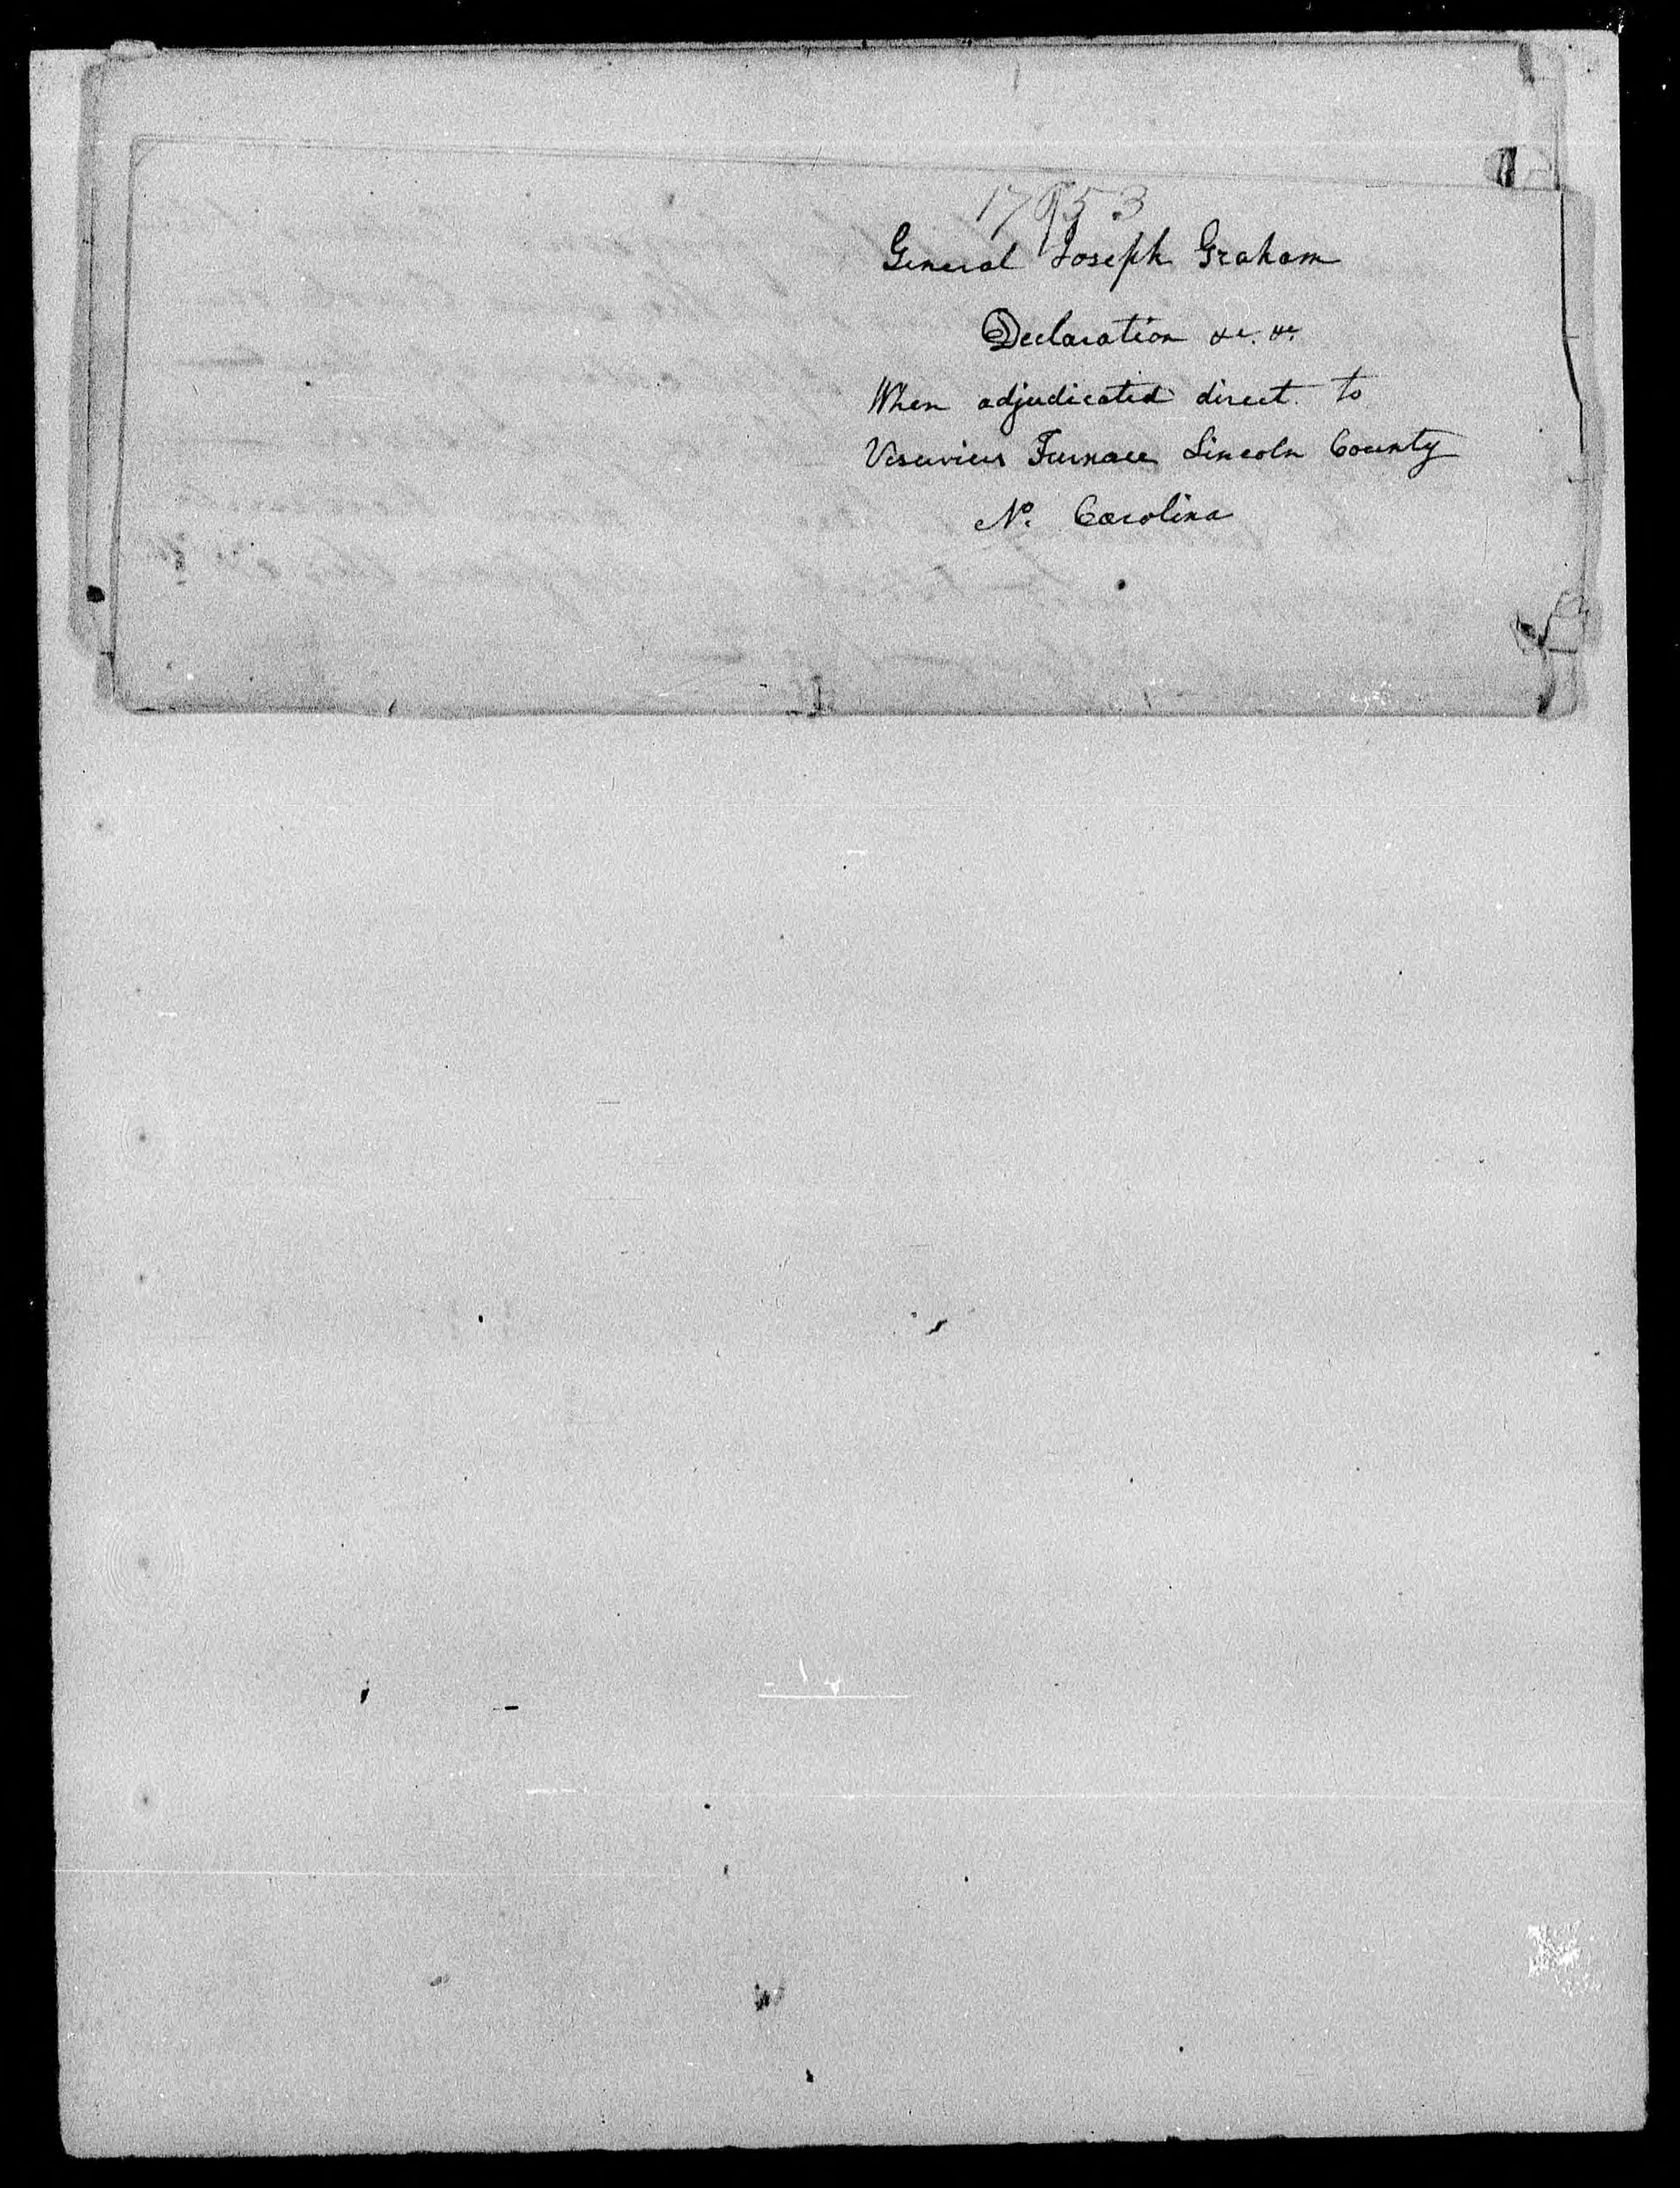17953
General Joseph Graham
Declaration &c &c.
When adjudicted direct to Vesuvius Furnace Lincoln County No. Carolina.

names: Joseph Graham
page: 3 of 55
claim: survivor's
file: S. 6,937, Joseph Graham, N.C.